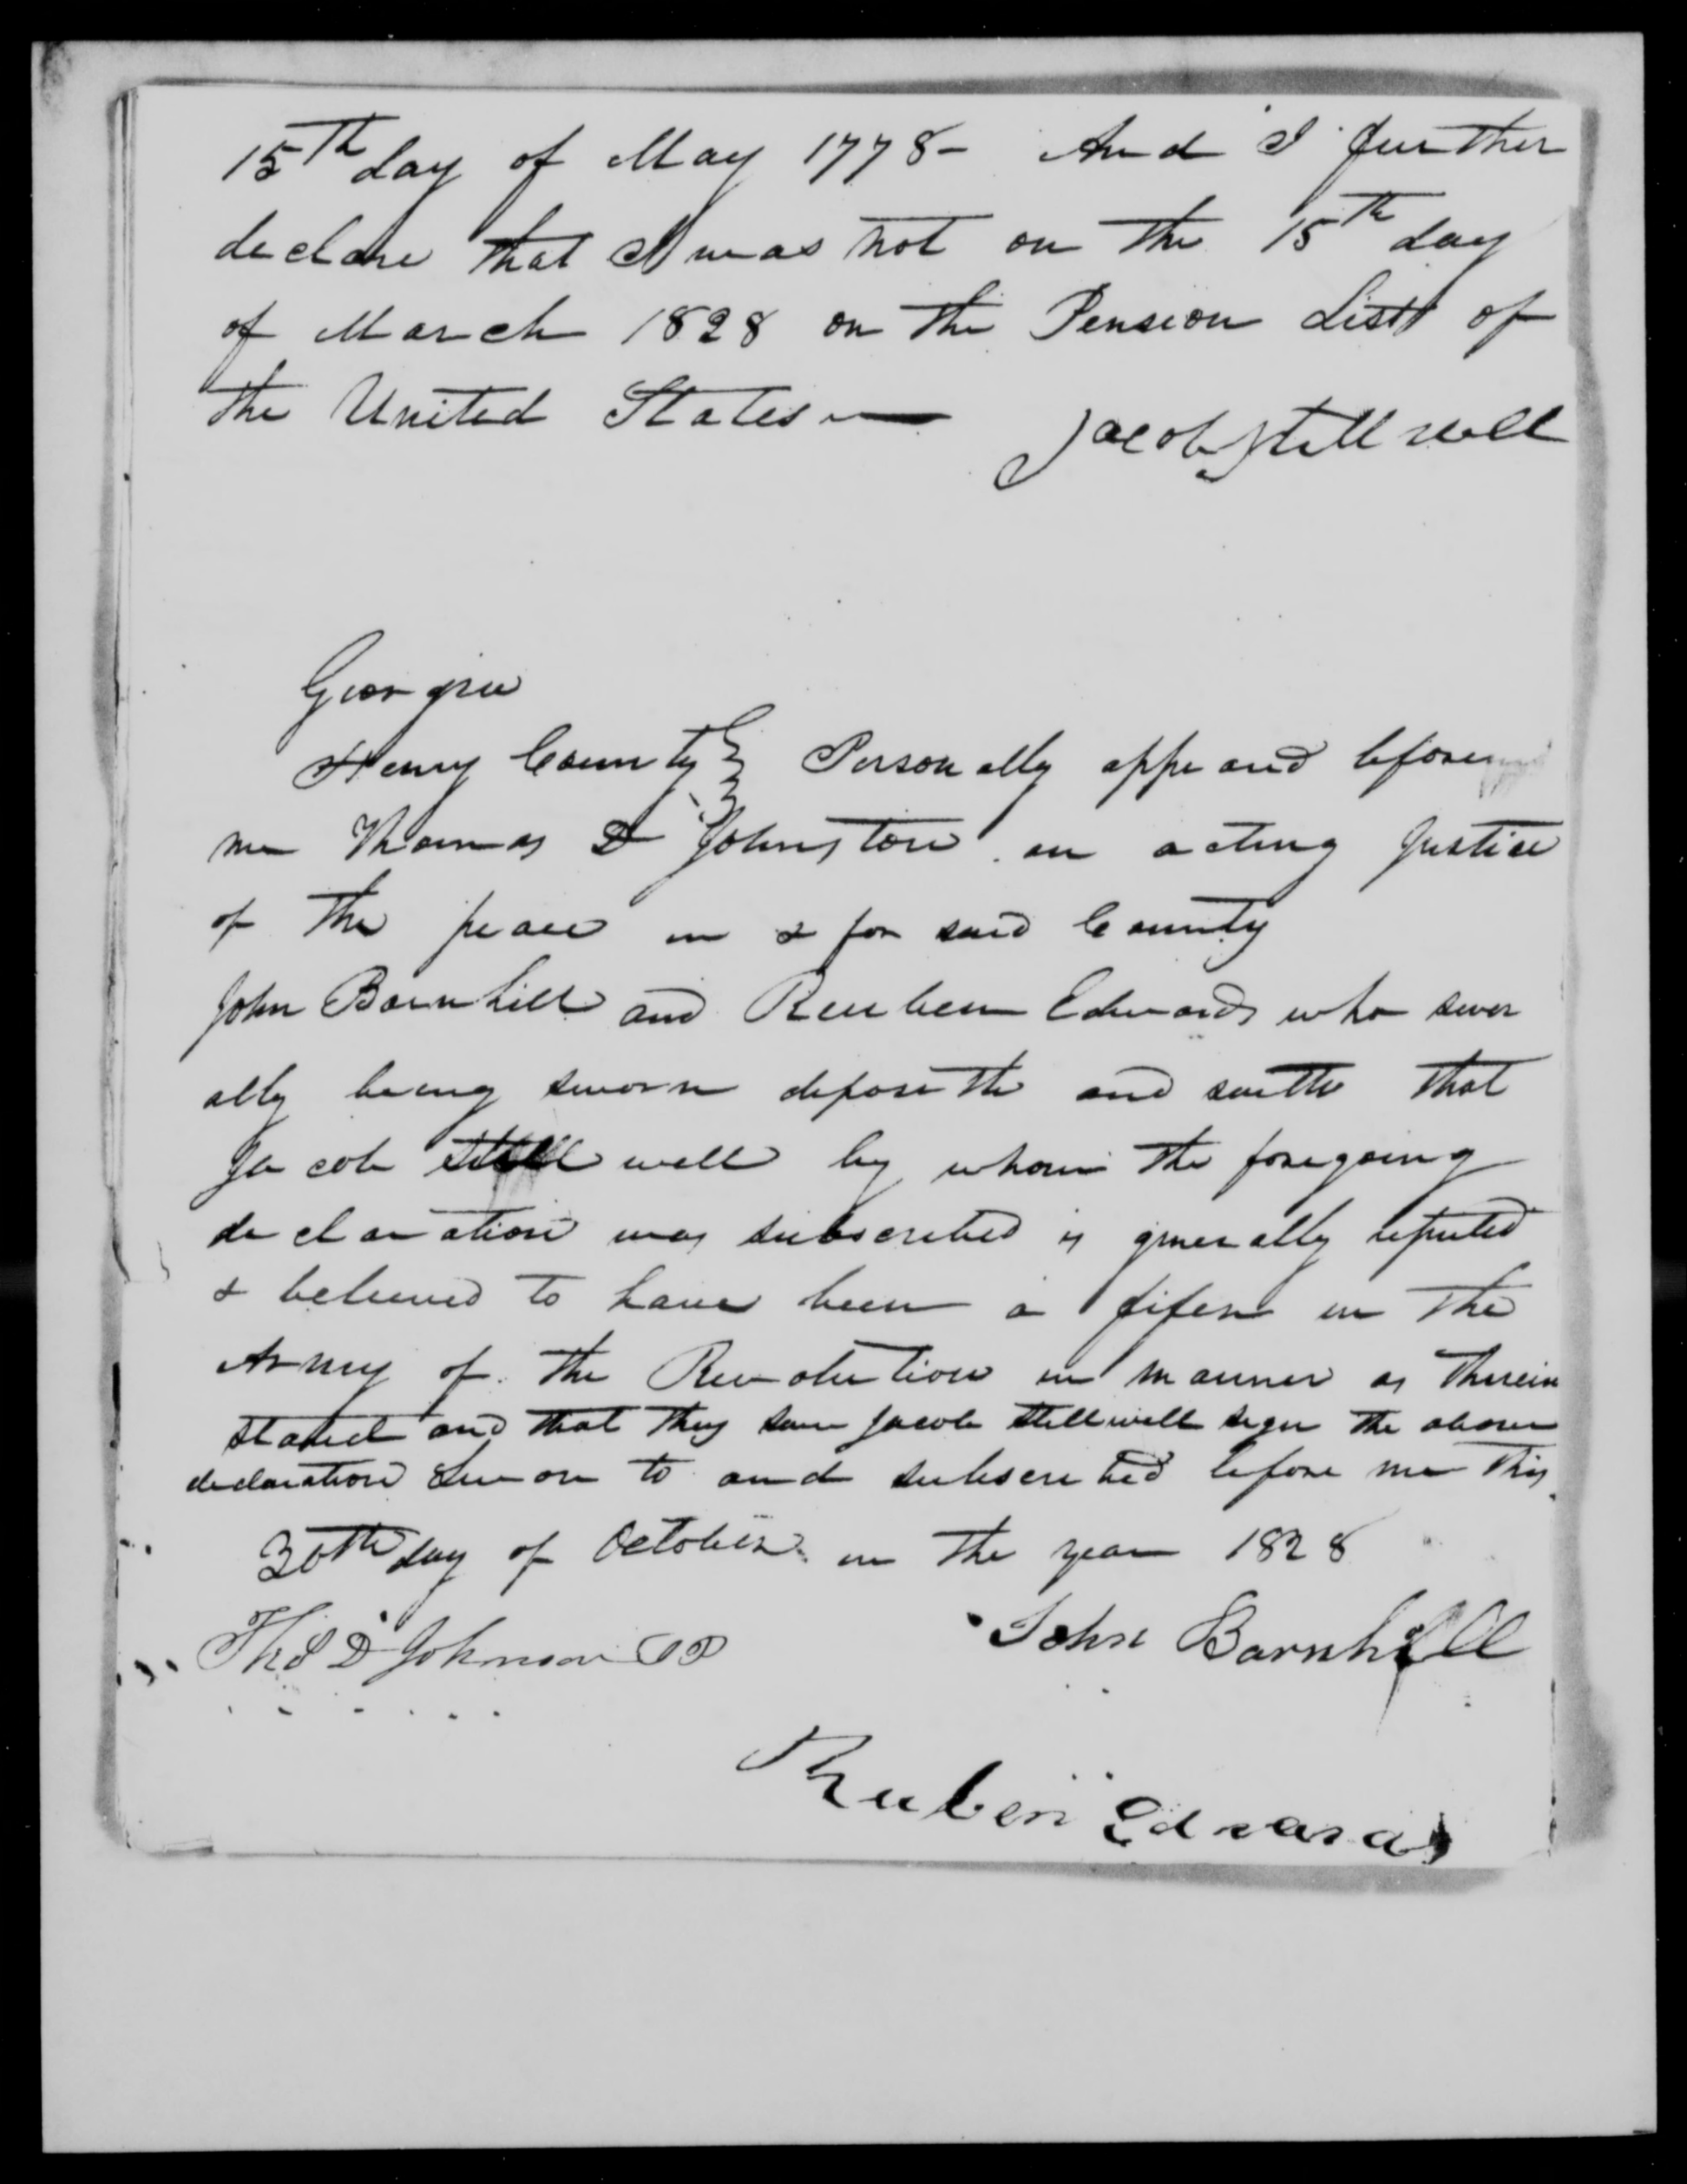15th day of May 1778- And I further
declare that I was not on the 15th day
of March 1828 on the Pension List of
the United States
Jacob Stillwell
Georgia
Henry County ⎬ Personally appeared before
me Thomas S Johnston an acting Justice
of the peace in & for said County
John Barnhill and Reuben Edwards who severally being sworn deposeth and saith that
Jacob Stillwell by whom the foregoing
declaration was subscribed is generally reputed
& believed to have been a fifer in the
Army of the Revolution in manner as therein
stated and that they saw Jacob Stillwell sign the above
declaration sworn to and subscribed before me this
30th day of October in the year 1828
Ths. D Johnson J P
John Barnhill
Ruben Edwards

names: Jacob Stillwell; John Barnhill; Reuben Edwards; Jacob Stillwell; John Barnhill; Thos D Johnson; Ruben Edwards; Thomas D Johnston; Jacob Stillwel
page: 11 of 25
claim: survivor's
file: S. 31,993, for Jacob Stillwell, North Carolina